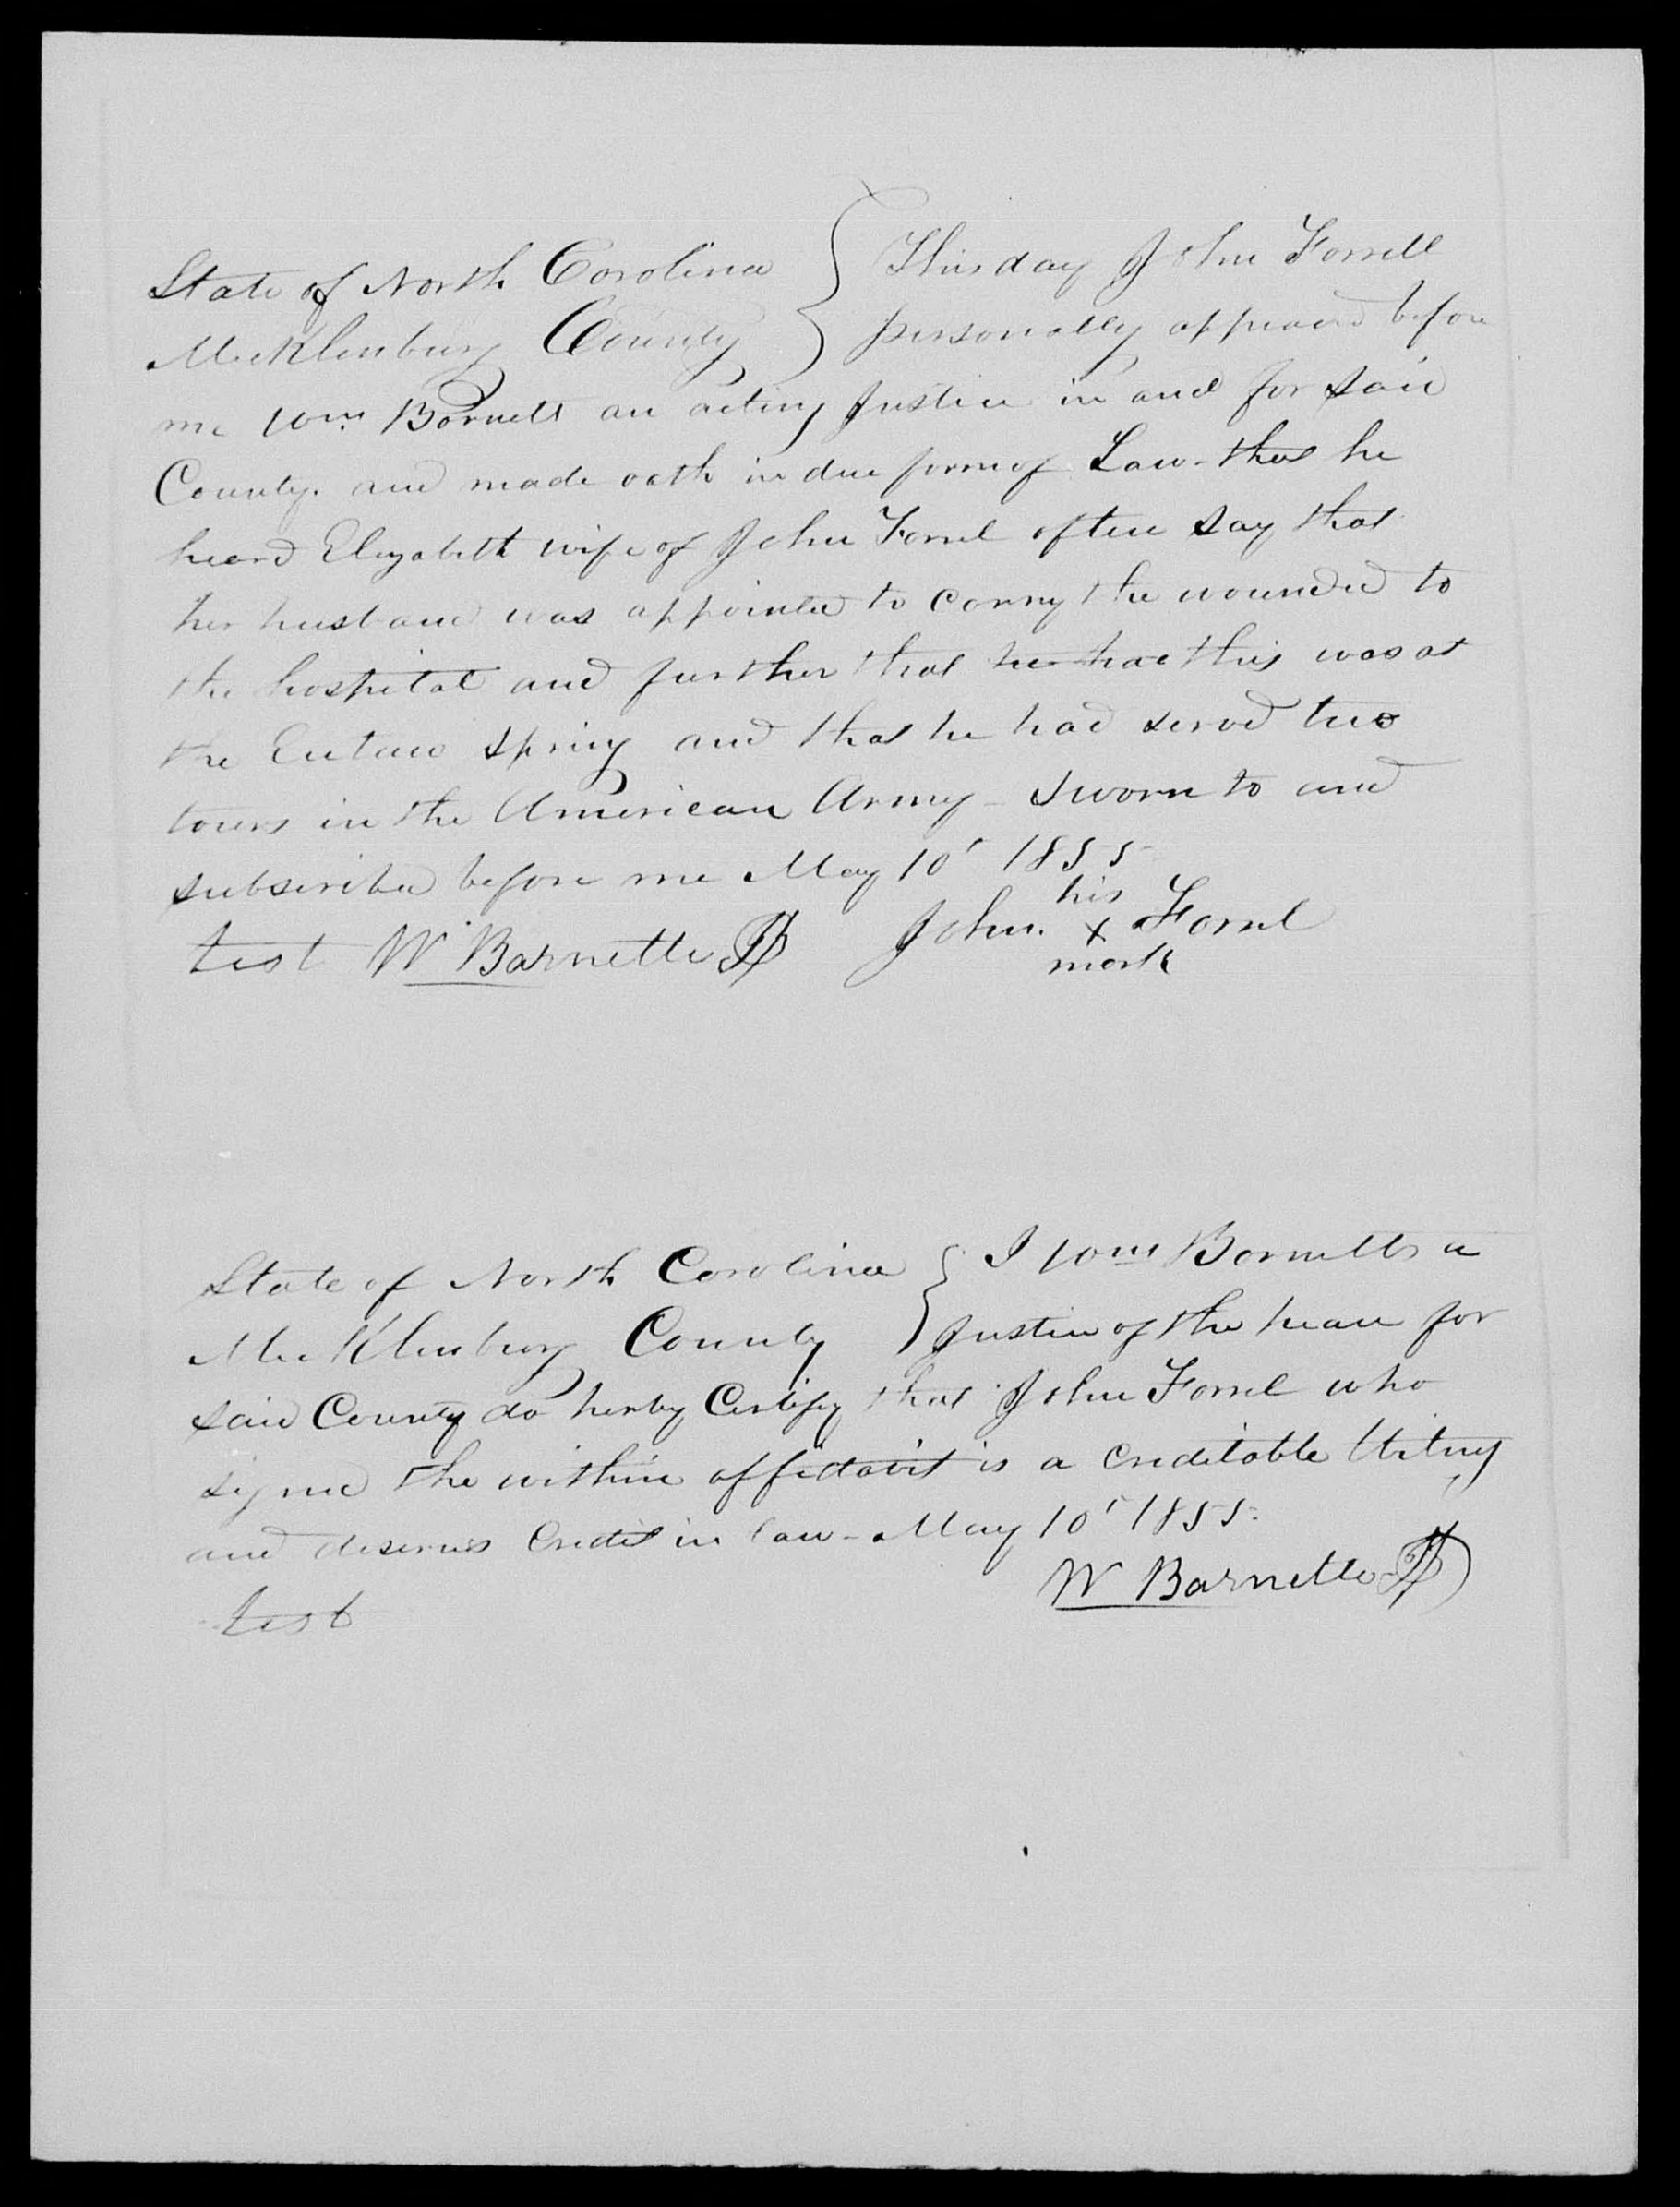State of North Carolina
Mecklenburg County
This day John Ferrell personally appeared before me Wm. Barnette an acting justice in and foresaid County and made oath in due from of law that he heard Elizabeth wife of John Ferrell often say that her husband was appointed to carry the wounded to the hospital and further that he had this was at the Eutaw Spring and that he had served two tours in the American Army.  Sworn to and subscribed before me May 10th 1855.
test W. Barnette JP John Ferrell his mark
State of North Carolina
Mecklenburg County
I Wm Barnette a Justice of the peace for said County do hereby certify that John Ferrell who signed the within affidavit in a creditable citizen and deserves credit in law.  May 10, 1855
Test W. Barnette JP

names: John Forrel, John Forrel, Wm Bornett, Wm Bornett, W Barnette, John Forrel, Elizabeth, W Barnette, John Forrell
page: 37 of 52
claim: rejected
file: R. 3,512, John Ferrell, N.C.